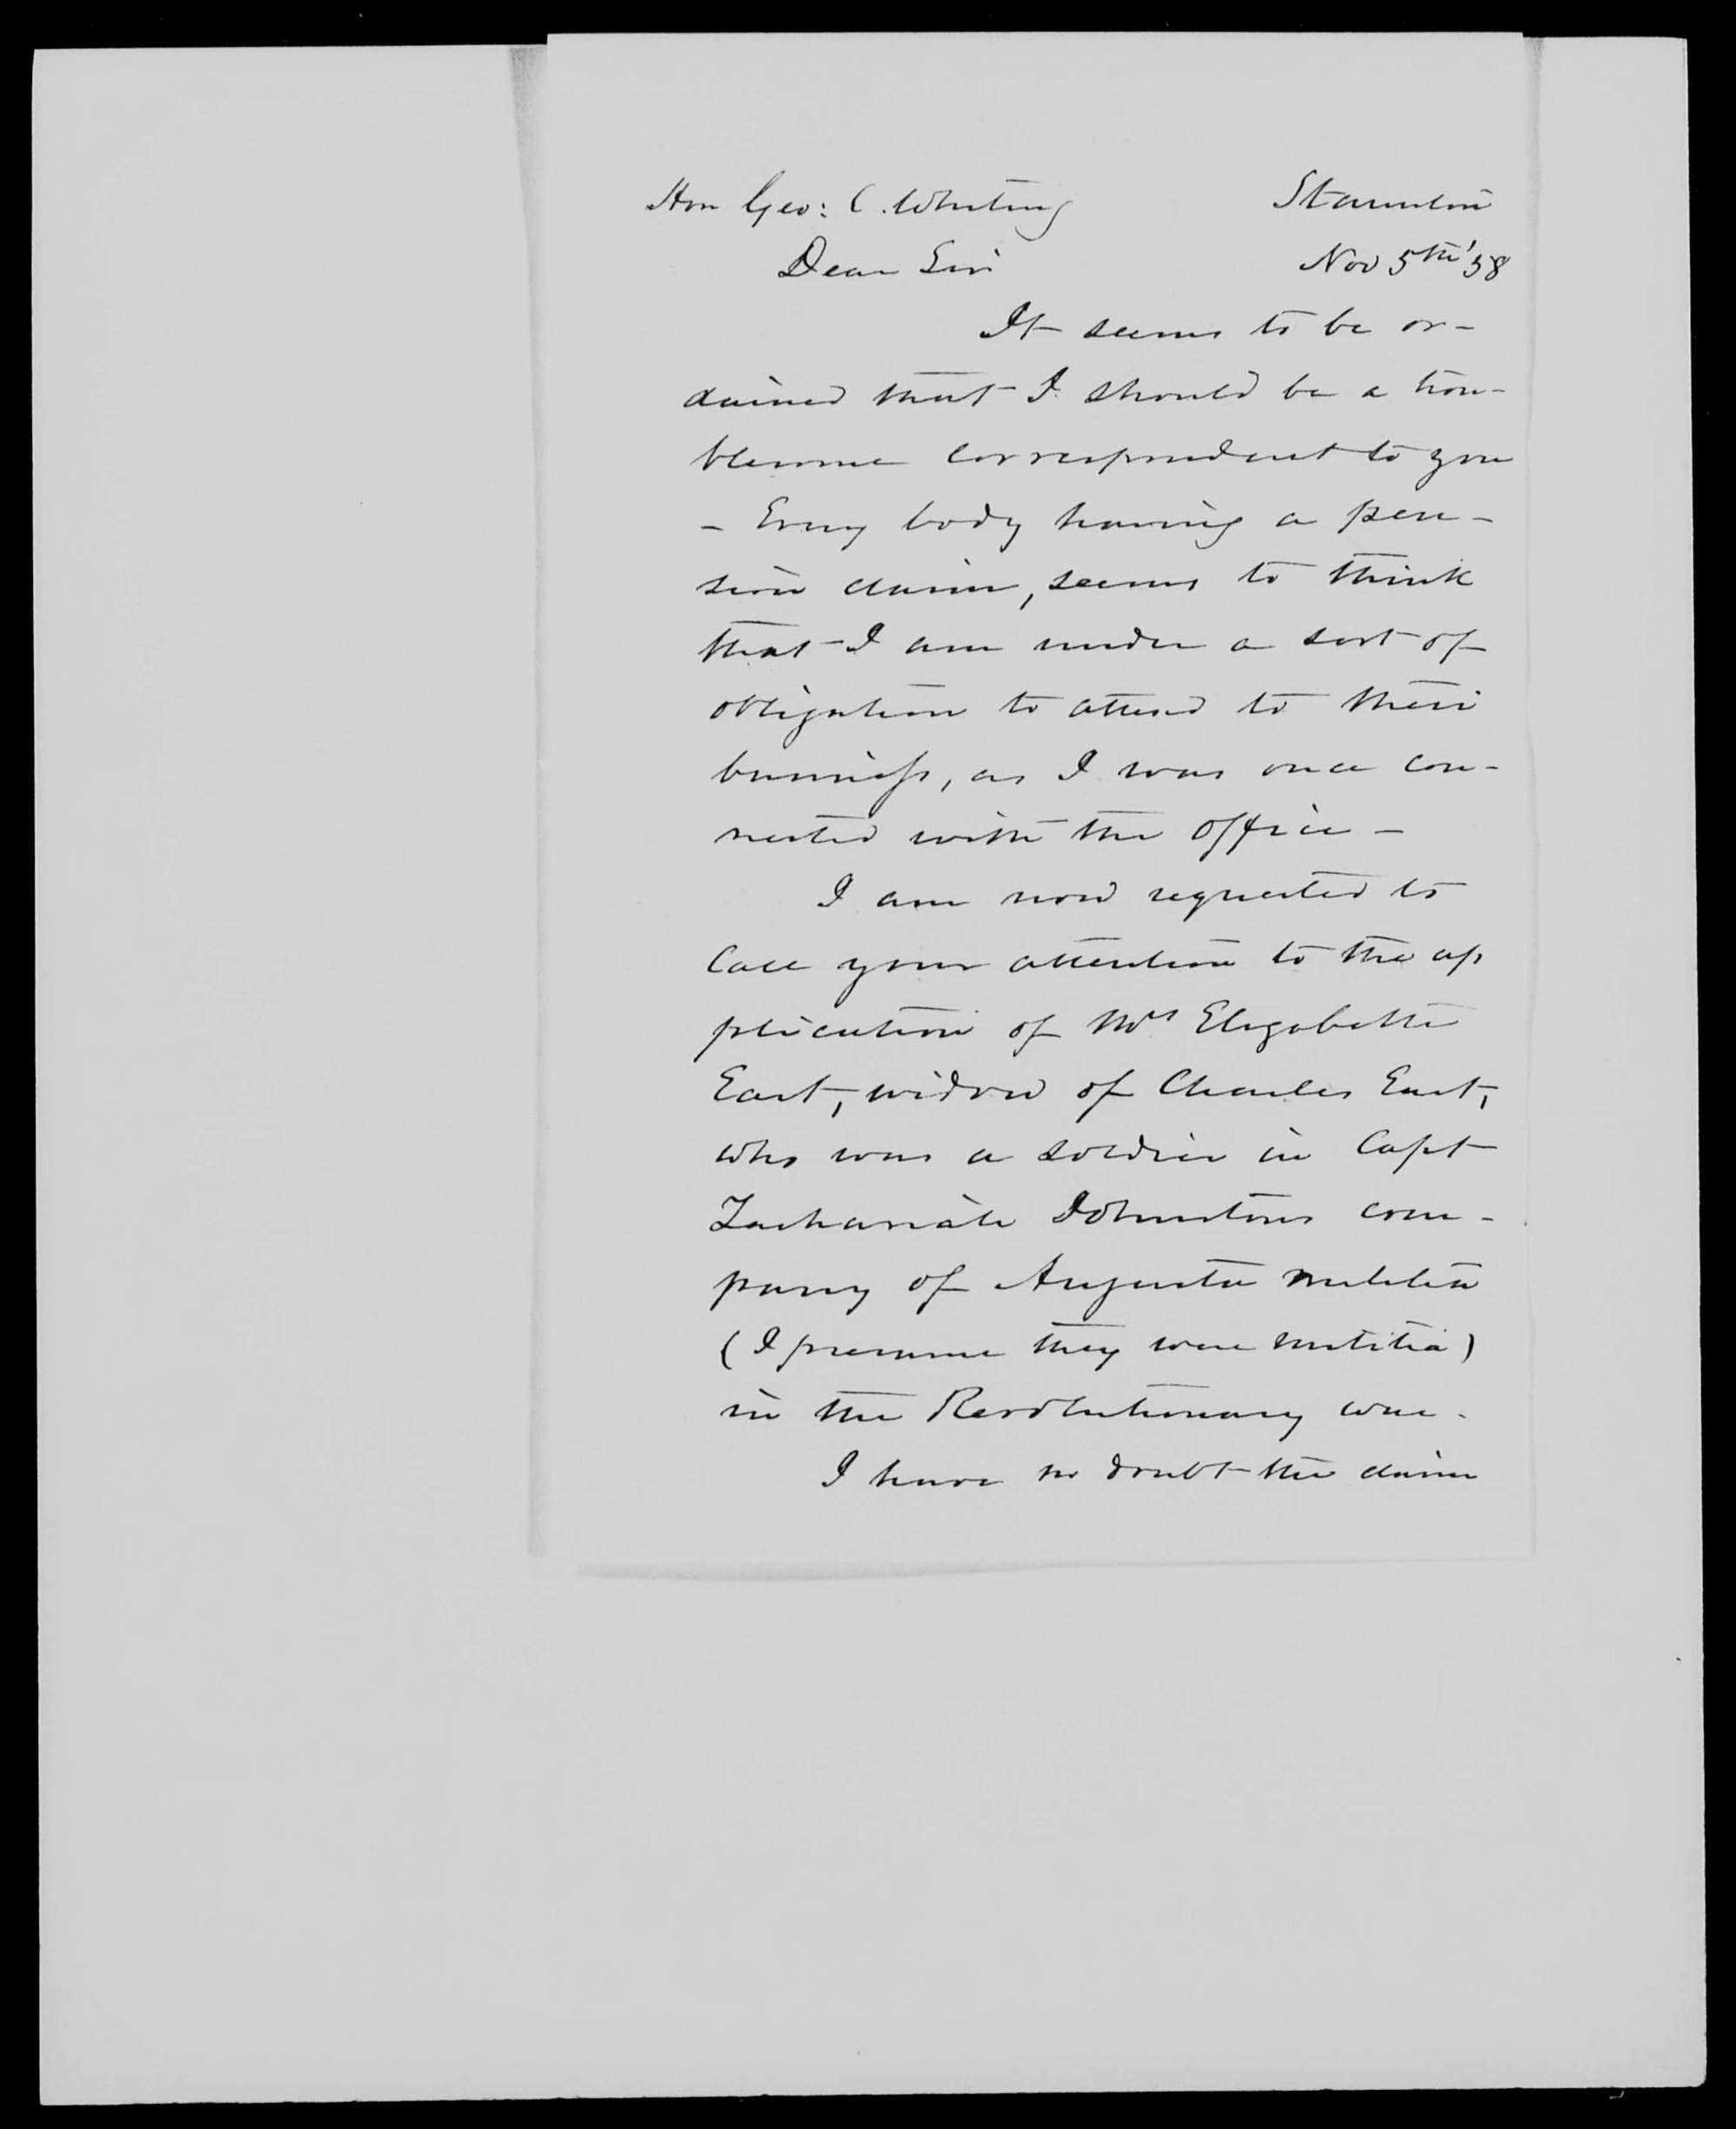Staunton
Nov 5th '58 [1858]

Hon. Geo: C. Whiting

Dear Sir
It seems to be ordained that I should be a troublesome correspondent to you_   Every body having a pension claim, seems to think that I am under a sort of obligation to attend to their business, as I was once connected with the office_
I am now requested to call your attention to the application of Mrs. Elizabeth East, widow of Charles East, who was a soldier in Capt Zachariah Johnston's company of Augusta militia (I presume they were militia) in the Revolutionary War
I have no doubt the claim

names: Elizabeth East, Geo C Whiting, Charles East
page: 41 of 43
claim: widow's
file: W. 5,626, Nathan Anderson, Va.